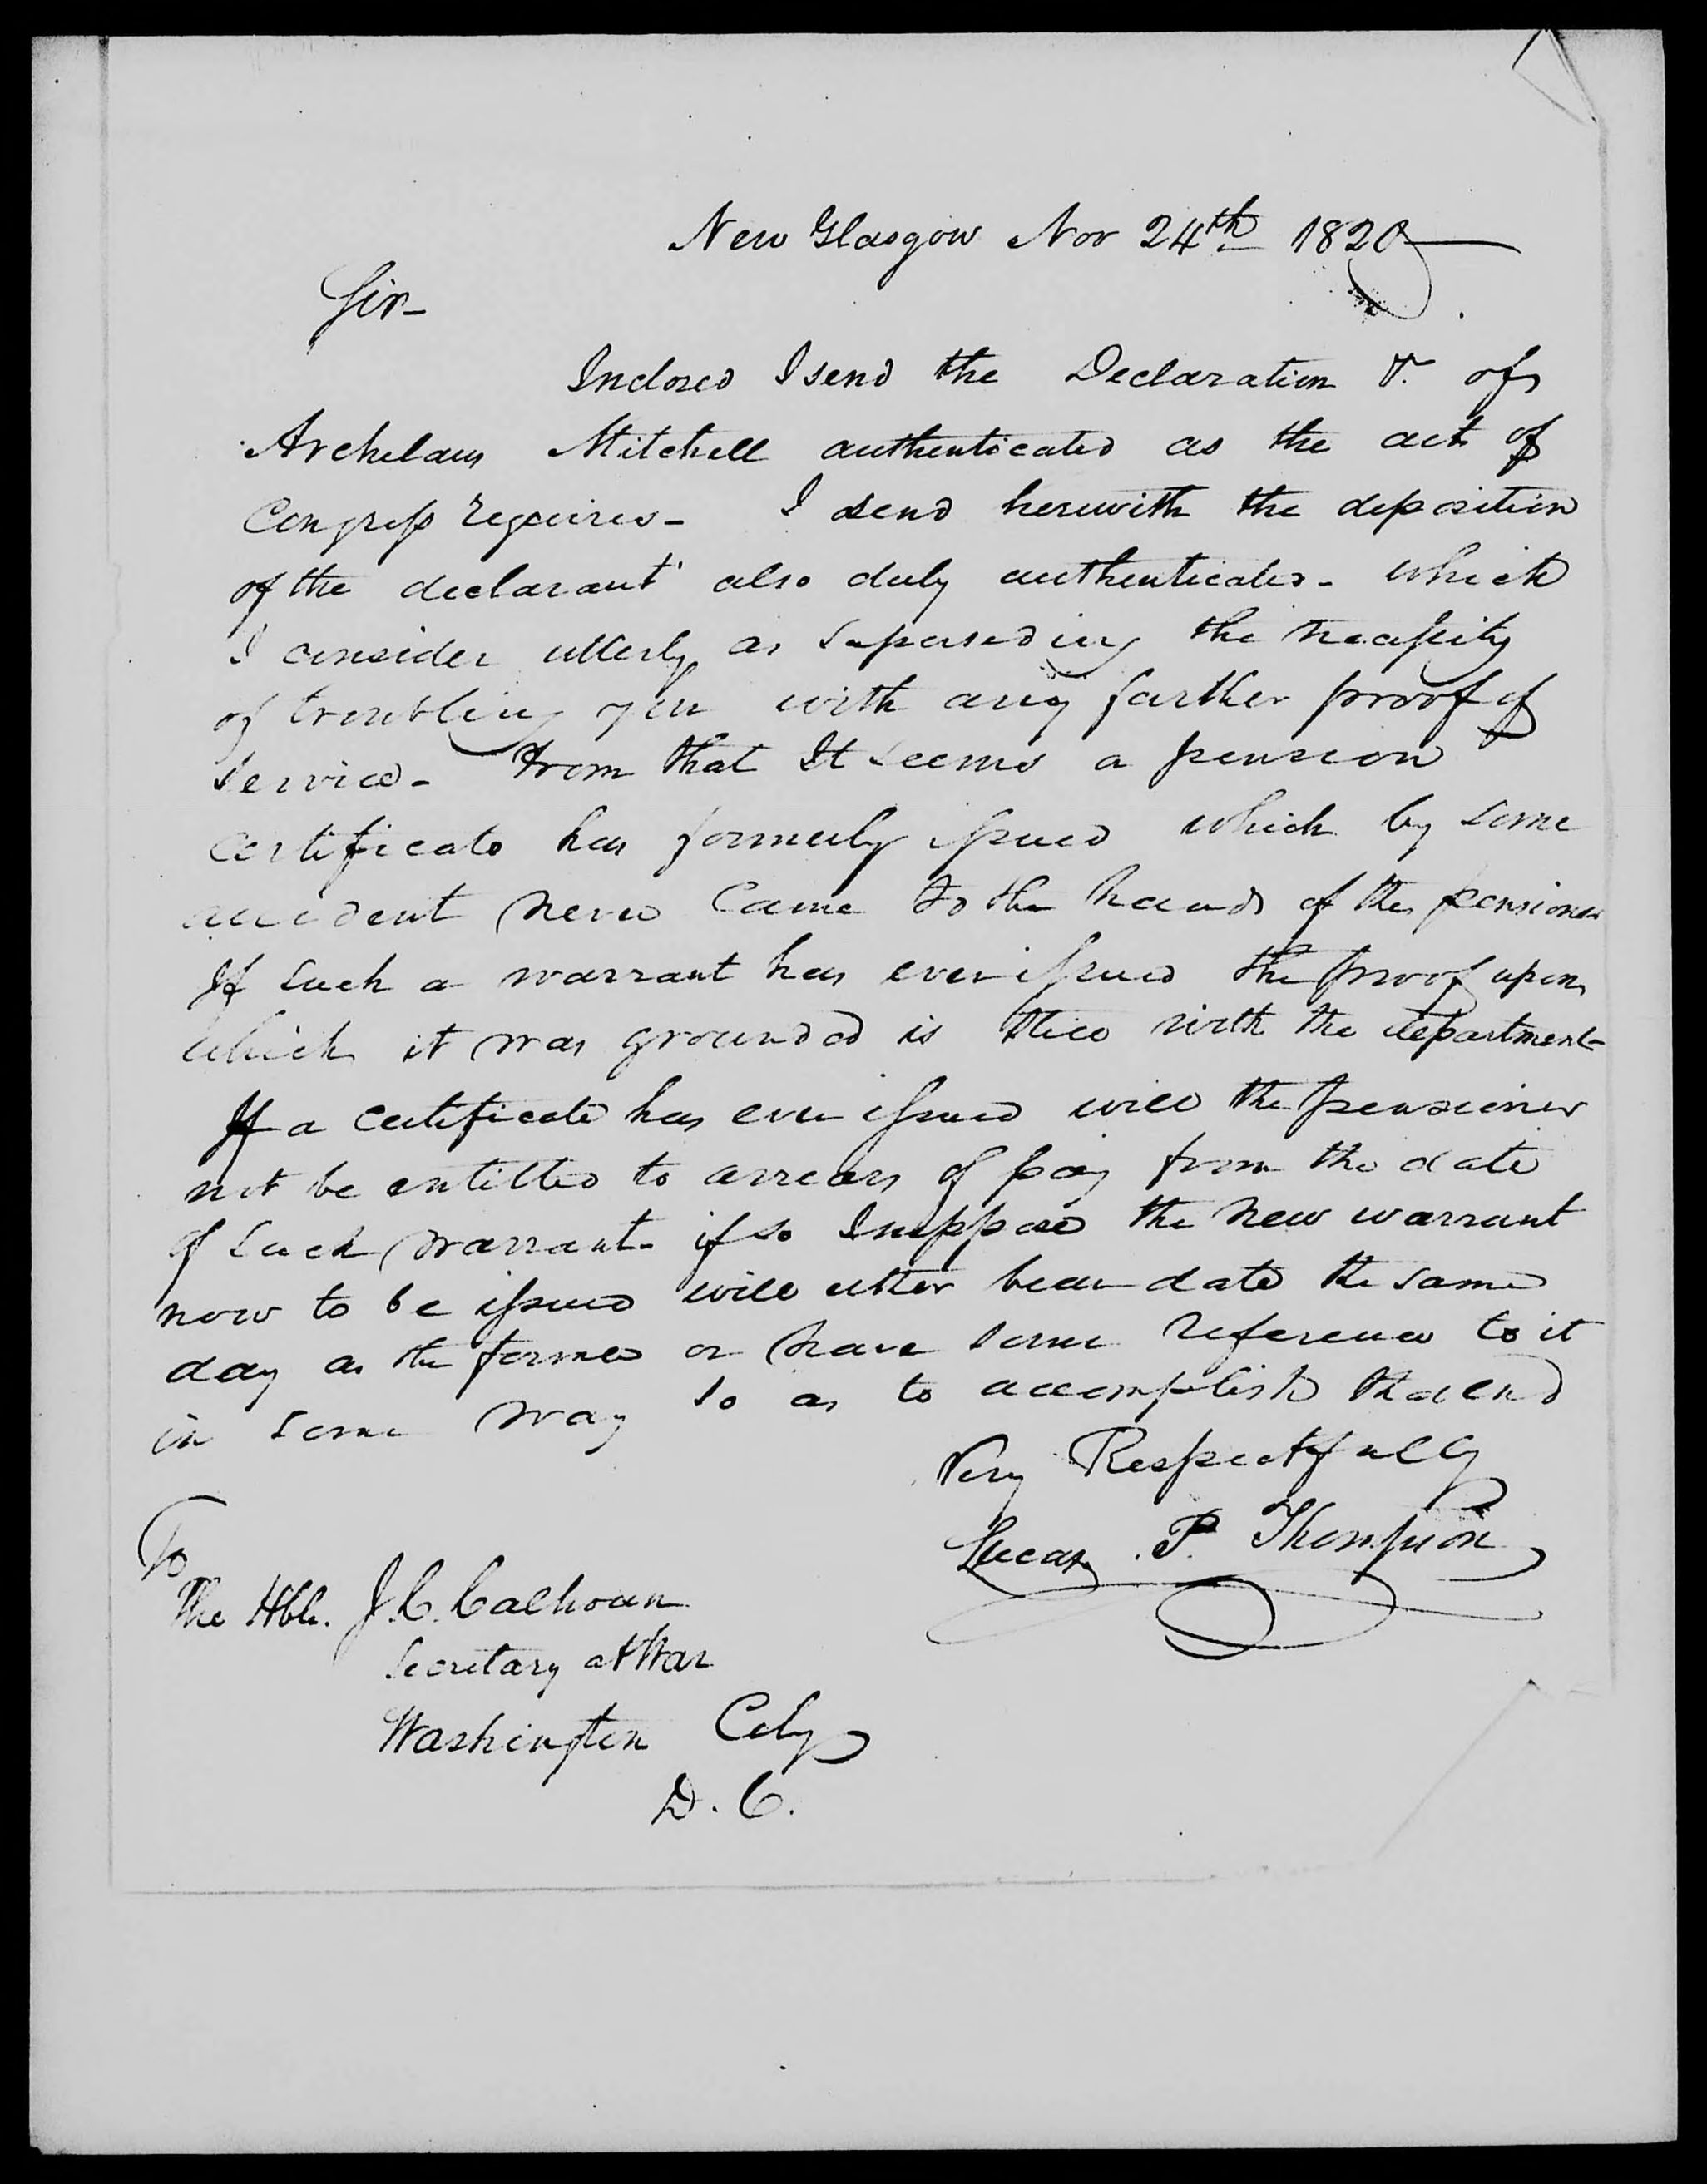New Glasgow Nov 24ᵗʰ 1820_

Sir

Inclosed(sic) I send the Declaration of Archelaus Mitchell authenticated as the act of Congress requires_ I send herewith the deposition of the declarant also duly authenticated - which I consider utterly as superseding the necessity of troubling you with any farther proof of service_ From that it seems a pension certificate has formerly issued which by some accident never came to the hand of the pensioner If such a warrant has ever issued the proof upon which it was granted is still with the department_ If a certificate has ever issued will the pensioner not be entitled to arrears of pay from the date of such warrant if so I suppose the new warrant now to be issued will either bear date the same day as the former or have some reference to it in some way to as to accomplish that end

Very Respectfully
Lucas P. Thompson [signature]

To
The Hble. J. C. Calhoun
Secretary at War
Washington City
D. C.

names: Lucas P Thompson; Archelaus Mitchell; J C Calhoun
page: 18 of 23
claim: survivor's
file: S. 38226, for Archelaus Mitchell, Virginia